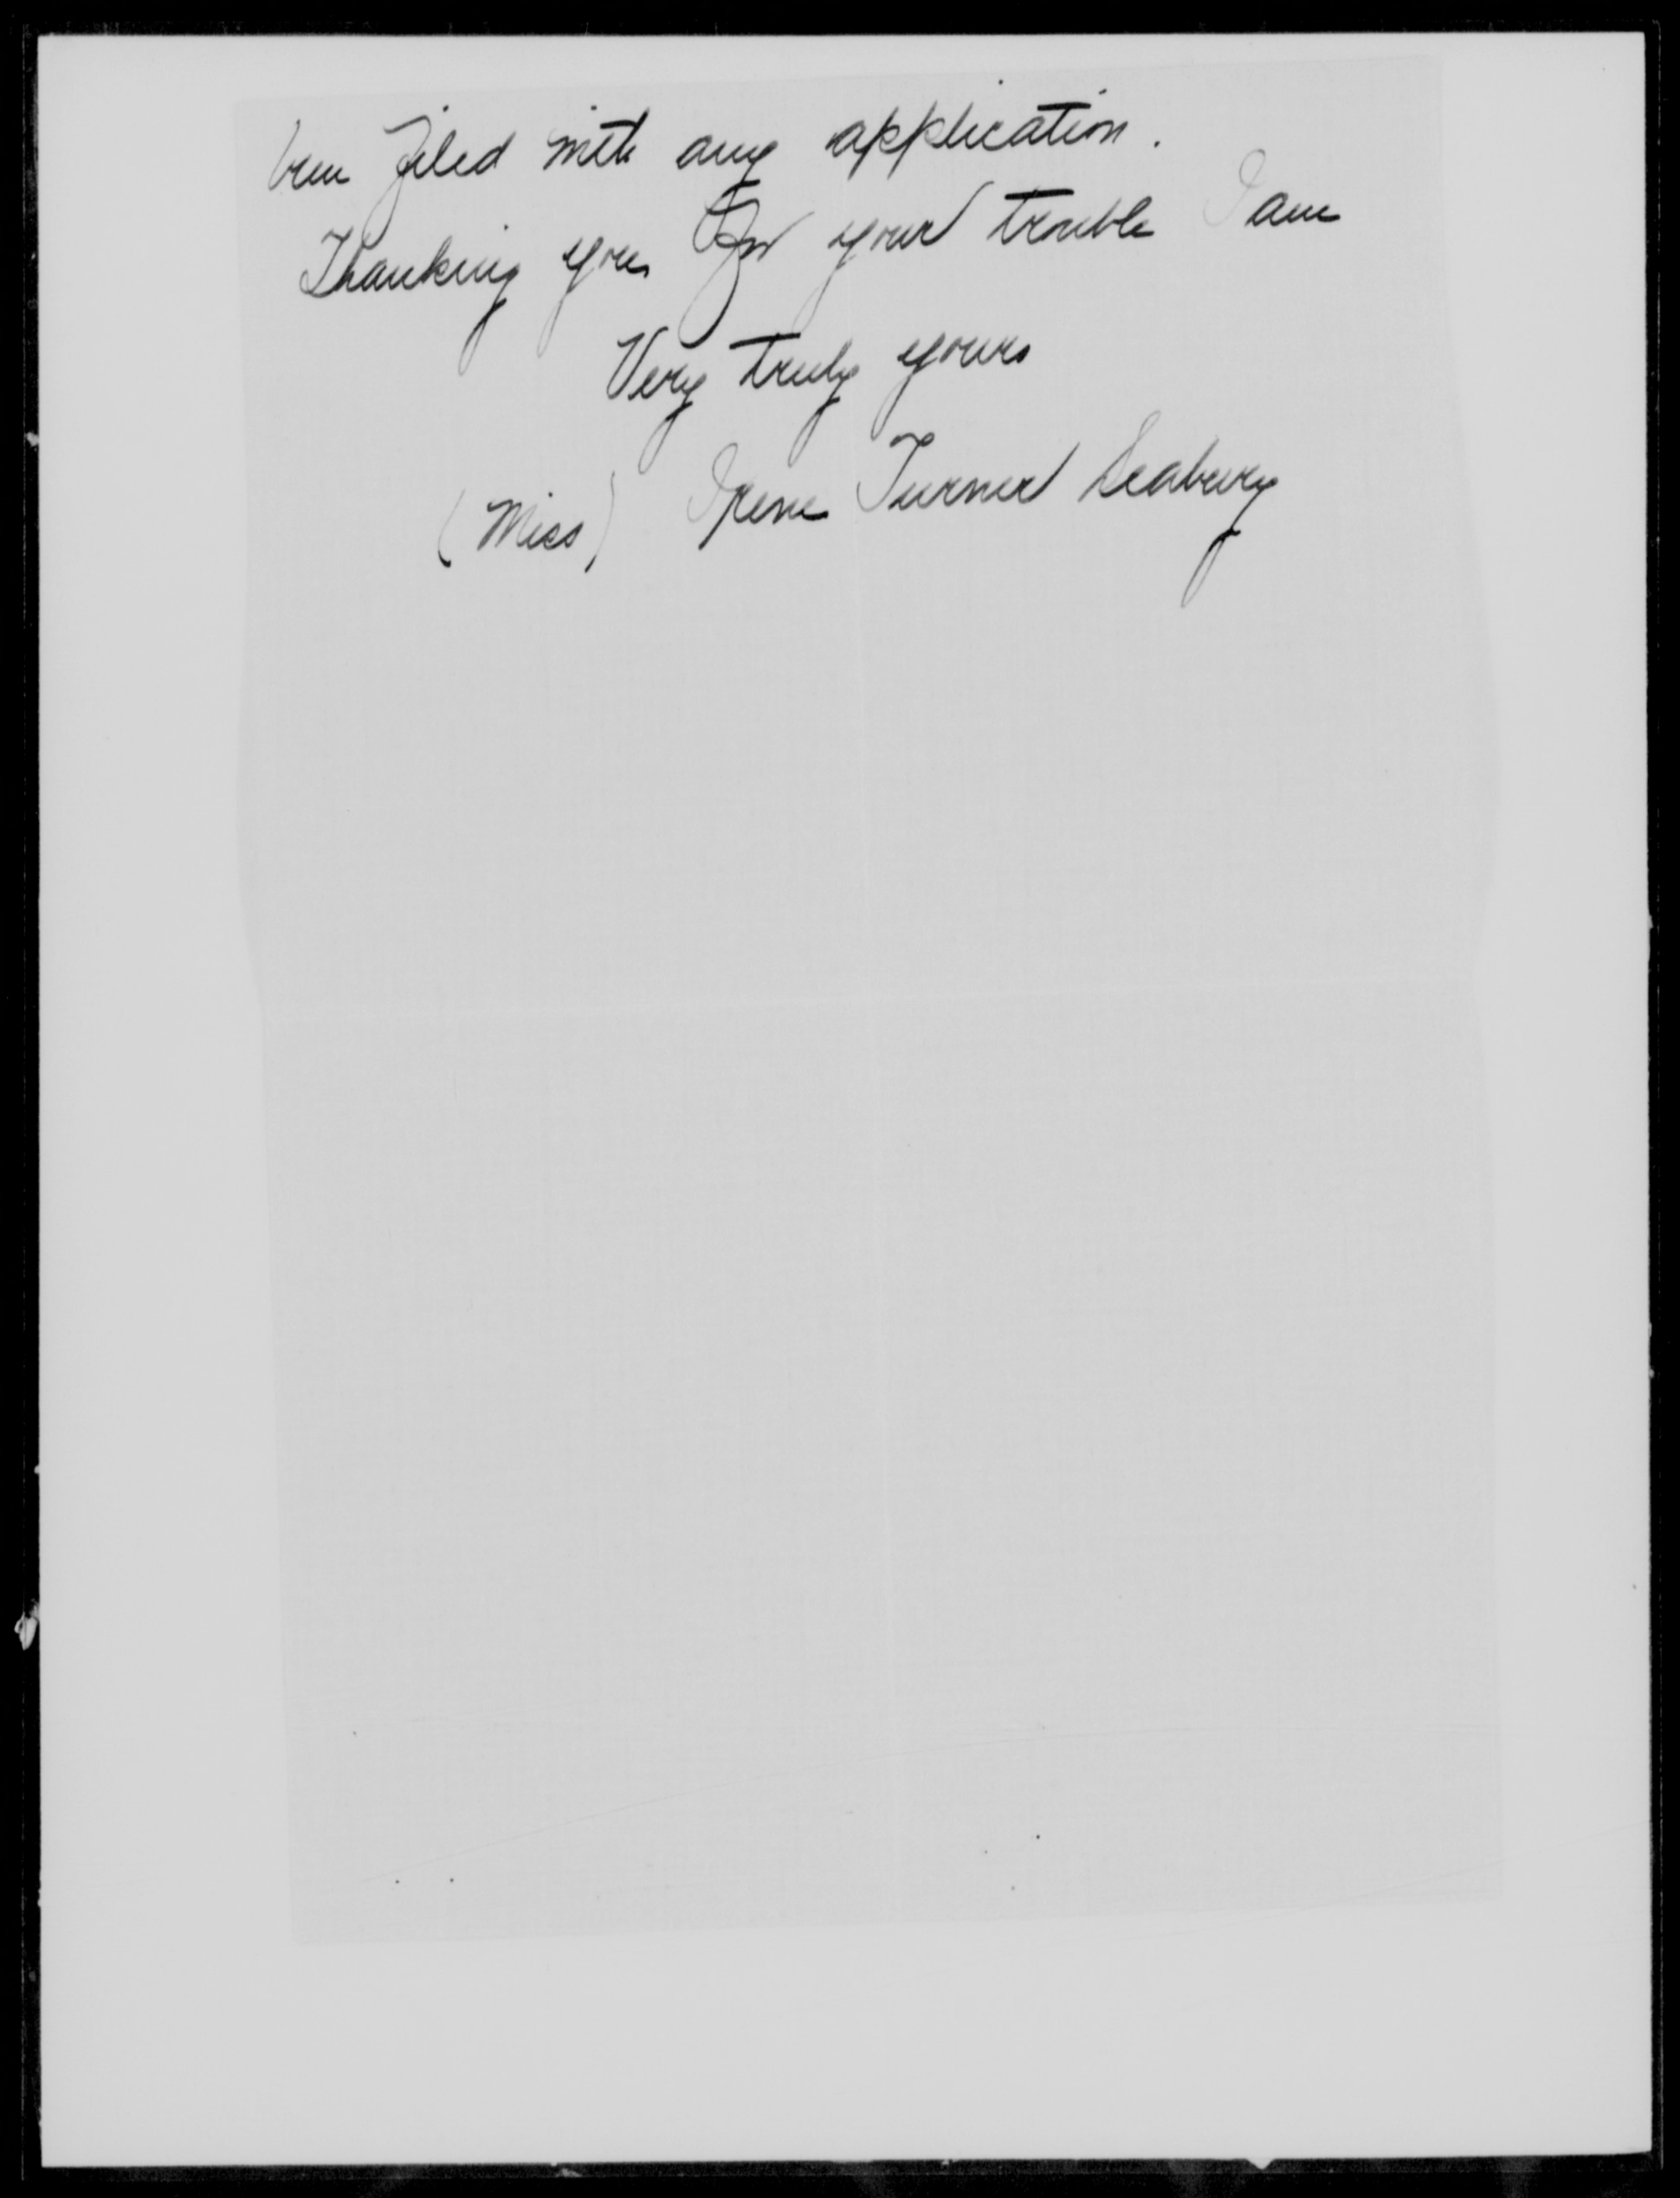been filed with any application.
Thanking you for your trouble I am 
Very truly yours
(Miss) Irene Turner Seabury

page: 18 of 25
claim: survivor's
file: S. 22,023, for Gideon Tompkins, Rhode Island